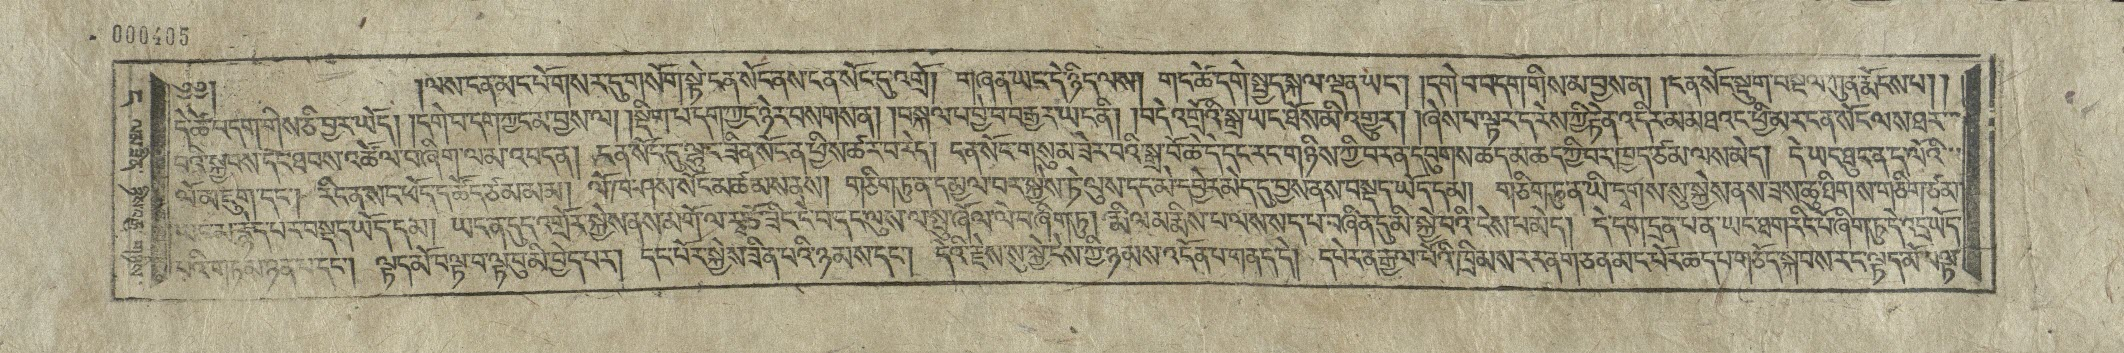༄༅། །ལས་ངན་མང་པོ་གསར་དུ་གསོག་སྟེ་ངན་སོང་ནས་ངན་སོང་དུ་འགྲོ། གཞན་ཡང་དེ་ཉིད་ལས། གང་ཚེ་དགེ་སྤྱད་སྐལ་ལྡན་ཡང་། །དགེ་བ་བདག་གིས་མ་བྱས་ན། །ངན་སོང་སྡུག་བསྔལ་ཀུན་རྨོངས་པ། །
དེ་ཚེ་བདག་གིས་ཅི་བྱར་ཡོད། །དགེ་བ་དག་ཀྱང་མ་བྱས་ལ། །སྡིག་པ་དག་ཀྱང་ཉེར་བསགས་ན། །བསྐལ་པ་བྱེ་བ་བརྒྱར་ཡང་ནི། །བདེ་འགྲོའི་སྒྲ་ཡང་ཐོས་མི་འགྱུར། །ཞེས་པ་ལྟར་ད་རེས་ཀྱི་རྟེན་འདིར་མ་མཐའང་ཕྱི་མར་ངན་སོང་ལས་ཐར་
བའི་སྐྱབས་དང་ཐབས་འཚོལ་བ་ཞིག་ལམ་འབད་ན། ངན་སོང་དུ་ལྷུང་ཟིན་སོང་ན་ཕྱིས་ཚར་བ་རེད། ངན་སོང་གསུམ་ཟེར་བའི་སྒྲ་བོ་ཆེ་དེ་དང་རང་གཉིས་ཀྱི་བར་ན་དབུགས་ཆད་མ་ཆད་ཀྱི་བར་ཁྱད་ཙམ་ལས་མེད། དེ་ཡང་ཐུང་ན་ད་ལོའི་
ལོ་མཇུག་དང་། རིང་ན་སང་ཕོད་ད་ཚོད་ཙམ་མམ། ལོ་ཁ་ཤས་སོང་མཚམས་ནས། གཅིག་ཏུ་ན་དམྱལ་བར་སྐྱེས་ཏེ་ལུས་དང་མེ་དབྱེར་མེད་དུ་བྱས་ནས་བསྡད་ཡོད་དམ། གཅིག་ཏུ་ན་ཡི་དྭགས་སུ་སྐྱེས་ནས་ཟས་ཆུ་ཐིགས་གཅིག་ཙམ་
ཡང་མ་རྙེད་པར་བསྡད་ཡོད་དམ། ཡང་ན་དུད་འགྲོར་སྐྱེས་ནས་མགོ་ལ་རྭ་ཅོ་ཟིང་ངེ་བ་དང་ལུས་ལ་སྤུ་ཞོལ་ལེ་བ་ཞིག་ཏུ། རྨི་ལམ་རྨིས་པ་ལས་སད་པ་བཞིན་དུ་མི་སྐྱེ་བའི་ངེས་པ་མེད། དེ་དག་དྲན་པ་ན་ཡང་ཐག་རིང་པོ་ཞིག་ཏུ་དེ་འདྲ་ཡོད་
པའི་གཏམ་ཉན་པ་དང་། ལྟད་མོ་བལྟ་བ་ལྟ་བུ་མི་བྱེད་པར། དང་པོར་སྐྱེས་ཟིན་པའི་ཉམས་དང་། དེའི་རྗེས་སུ་སྐྱེ་ངེས་ཀྱི་ཉམས་འདོན་པ་གནད་དེ། དཔེར་ན་རྒྱལ་པོའི་ཁྲིམས་རར་ནག་ཅན་མང་པོར་ཆད་པ་གཅོད་སྐབས་རང་ལྟད་མོ་བལྟ་